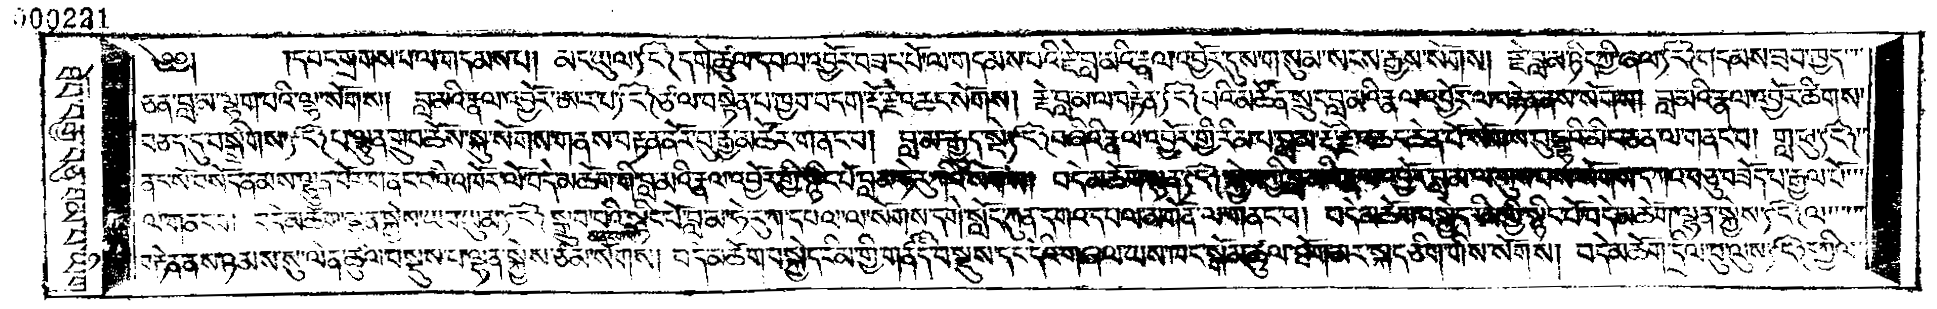༄༅། །དབང་གྲགས་པ་ལ་གདམས་པ། མང་ཡུལ ༼ང༽ དགེ་ཚུལ་དཔལ་འབྱོར་བཟང་པོ་ལ་གདམས་པའི་རྗེ་བླ་མའི་རྣལ་འབྱོར་དུས་གསུམ་སངས་རྒྱས་སོགས། རྗེ་བླ་མ་ཉིད་ཀྱི་ཞལ ༼ང༽ གདམས་ཟབ་ཁྱད་
ཅན་བླ་མ་ལྷག་པའི་ལྷ་སོགས། བླ་མའི་རྣལ་འབྱོར་ཨ་ར་པ ༼ང༽ ཙ་ལ་བསྲྟེན་པ་ཁྱབ་བདག་རྡོ་རྗེ་འཆང་སོགས། རྗེ་བླ་མ་ལ་བརྟེན ༼ང༽ པའི་མཚོན་སྲུང་བླ་མའི་རྣལ་འབྱོར་ལ་བརྟེན་ནས་སོགས། བླ་མའི་རྣལ་འབྱོར་ཚིགས་
བཅད་དུ་བསྒྲིགས ༼ང༽ པ་ལྷུན་གྲུབ་ཆོས་སྐུ་སོགས་གནས་བརྟན་ནོར་བུ་རྒྱ་མཚོར་གནང་བ། བླ་མ་རྒྱུད་སྡེ ༼ང༽ བཞིའི་རྣལ་འབྱོར་གྱི་རིམ་པ་བླ་མ་རྡོ་རྗེ་འཆང་ཆེན་པོ་སོགས་བུདྡྷའི་མིང་ཅན་ལ་གནང་བ། བླ་ཕུ ༼ང༽
ནང་སོ་བསོད་ནམས་ལྷུན་པོར་གནང་བའི་འཁོར་ལོ་བདེ་མཆོག་གི་བླ་མའི་རྣལ་འབྱོར་གྱི་སྙིང་པོ་བླ་མ་ཧེ་རུ་ཀའི་སོགས། བདེ་མཆོག་ལྷན ༼ང༽ སྐྱེས་ཀྱི་བླ་མའི་རྣལ་འབྱོར་བླ་མ་ལ་གུས་པས་སོགས་དཀའ་བཅུ་བཟོད་པ་རྒྱལ་པོ་
ལ་གནང་བ། བདེ་མཆོག་ལྷན་སྐྱེས་ཡབ་ཡུམ ༼ང༽ སྒྲུབ་པའི་ངན་ངག་གི་སྙིང་པོ་བླ་མ་ཧེ་རུ་ཀ་དཔལ་ལ་སོགས་དགེ་སློང་ཀུན་དགའ་དཔལ་མགོ་ལ་གནང་བ། བདེ་མཆོག་བསྐྱེད་རིམ་གྱི་སྙིང་པོ་བདེ་མཆོག་ལྷན་སྐྱེས ༼ང༽ ལ་
བརྟེན་ནས་ཉམས་སུ་ལེན་ཚུལ་བསྡུས་པ་ལྷན་སྐྱེས་ཙམ་སོགས། བདེ་མཆོག་བསྐྱེད་རིམ་གྱི་གནད་པ་བསྡུས་དང་དེའི་གཞལ་ཡས་ཁངས་གོམ་ཚུལ་ཐོག་མར་སྐད་ཅིག་གིས་སོགས། བདེ་མཆོག་དྲིལ་བུ་ལུས ༼ང༽ དཀྱིལ་